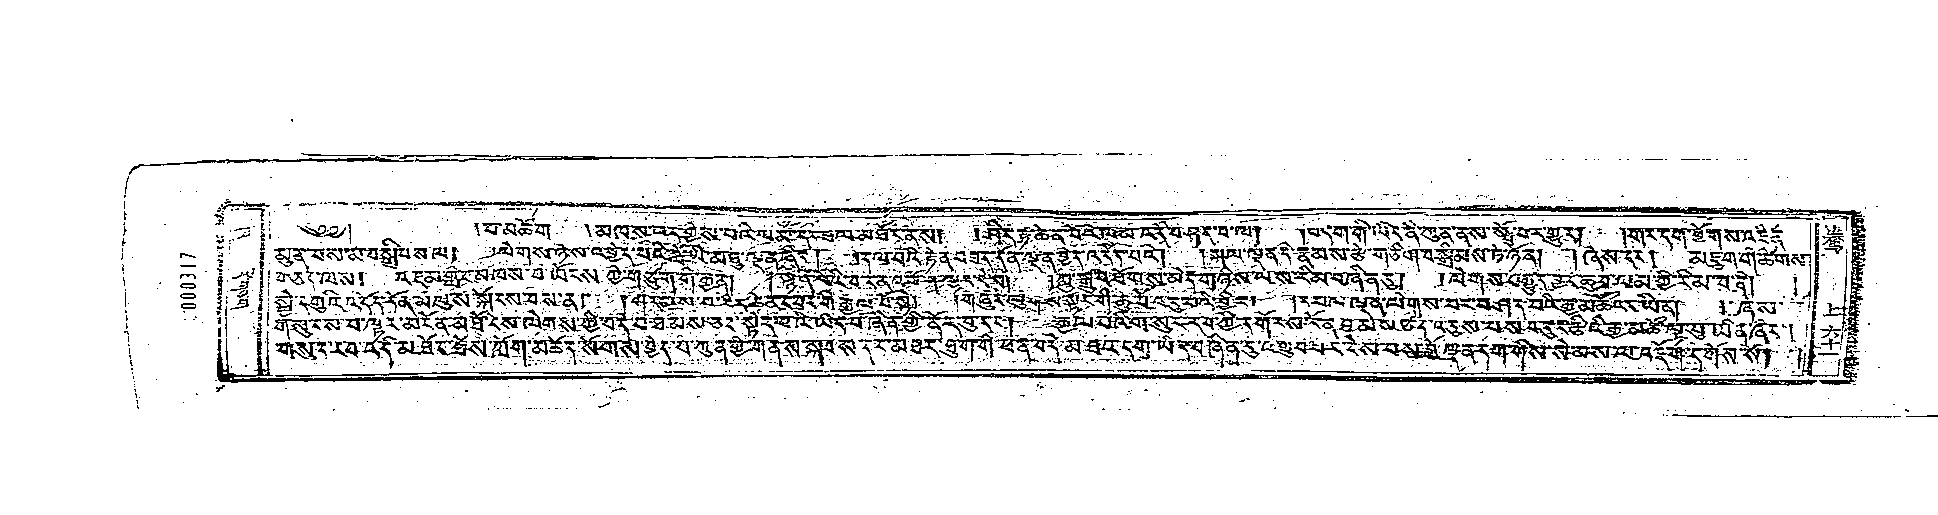༄༅། །པ་མཆོག །མཁས་བ་དགྱེས་པའི་ལམ་དང་བྲལ་མཐོང་ནས། །ཤིང་རྟ་ཆེན་པོའི་ལམ་འདི་བཤད་བ་ལ། །བདག་གི་ཡིད་ནི་ཀུན་ནས་སྤྲོ་བར་གྱུར། །གང་དག་ཕྱོགས་འཛིན་
མུན་པས་མ་བསྒྲིབས་ལ། །ལེགས་ཉེས་འབྱེད་པའི་བློ་ཡི་མཐུ་ལྡན་ཞིང་། །དལ་བའི་རྟེན་བཟང་དོན་ལྡན་བྱེད་འདོད་པའི། །སྐལ་ལྡན་དེ་རྣམས་རྩེ་གཅིག་བསྒྲིམས་ཏེ་ཉོན། །ཞེས་དང་། མཇུག་གི་ཚིགས་
བཅད་ལས། འཇམ་གླིང་མཁས་པ་ཡོངས་ཀྱི་གཙུག་གི་རྒྱན། །སྙན་པའི་བ་ངན་འགྲོ་ན་ལྷར་ངེ་བ། །ཀླུ་སྒྲུབ་ཐོགས་མེད་གཉིས་ལས་རིམ་བཞིན་དུ། །ལེགས་བརྒྱུད་བྱང་ཆུབ་ལམ་གྱི་རིམ་པ་ནི། །
སྐྱེ་དགུའི་འདོད་དོན་མ་ལུས་སྐོངས་བས་ན། །གདམས་པ་རིན་ཆེན་དབང་གི་རྒྱལ་པོ་སྟེ། །གཞུང་ལུགས་སྟོང་གི་ཆུ་བོ་འདུ་བའི་ཕྱིར། །དཔལ་ལྡན་ལེགས་པར་བཤད་པའི་རྒྱ་མཚོ་འདི་ཡིན། །ཞེས་
གསུངས་པ་ལྟར་མངོན་མཐོ་ངེས་ལེགས་ཀྱི་བདེ་བ་ཐམས་ཅད་སྟེར་བའི་ཡིད་བཞིན་གྱི་ནོར་བུ་དང་། རྒྱལ་བའི་གསུང་རབ་ཀྱི་དགོངས་དོན་ཐམས་ཅད་འདུས་པས་བདུད་རྩིའི་རྒྱ་མཚོ་ལྟ་བུ་ཡིན་ཞིང་།
གསུང་རབ་འདི་མཐོང་ཐོས་ཀློག་མཆོད་སོགས་བྱེད་པ་ཀུན་གྱི་གནས་སྐབས་དང་མཐར་ཐུག་གི་ཕན་བདེ་མཐའ་དག་ཡིད་བཞིན་དུ་འགྲུབ་པར་ངེས་པས་བློ་ལྡན་དག་གིས་སེམས་ལ་འཇོག་དགོས་སོ། །